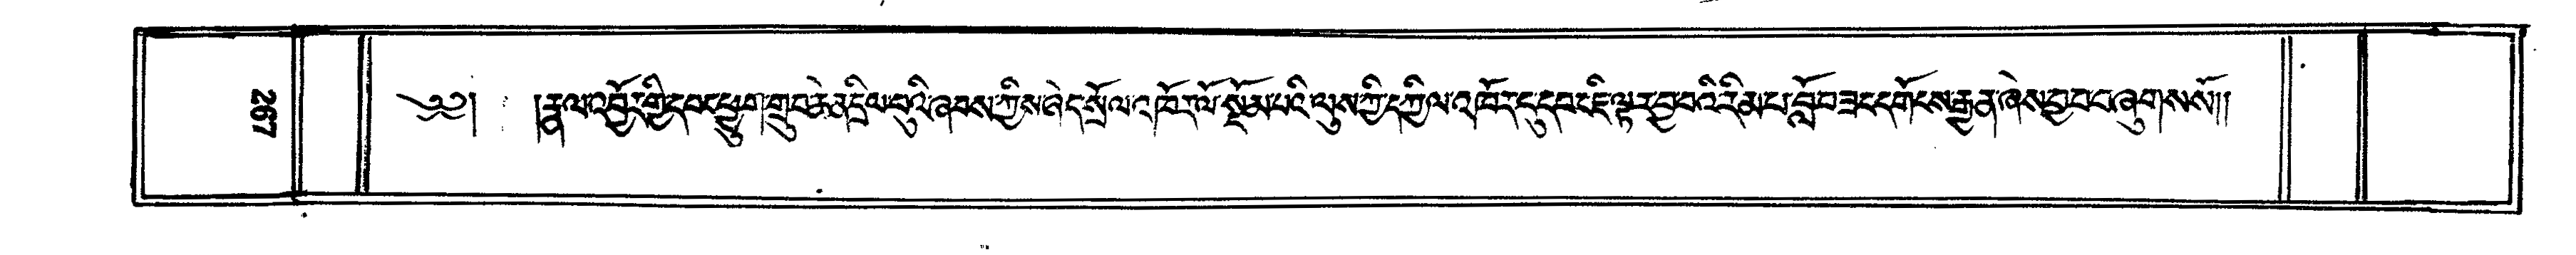༄༅། །རྣལ་འབྱོར་གྱི་དབང་ཕྱུག་གྲུབ་ཆེན་དྲིལ་བུའི་ཞབས་ཀྱི་བཞེད་སྲོལ་འཁོར་ལོ་སྡོམ་པའི་ལུས་ཀྱི་དཀྱིལ་འཁོར་དུ་དབང་ཇི་ལྟར་བྱ་བའི་རིམ་པ་བློ་བཟང་དགོངས་རྒྱན་ཞེས་བྱ་བ་བཞུགས་སོ། །